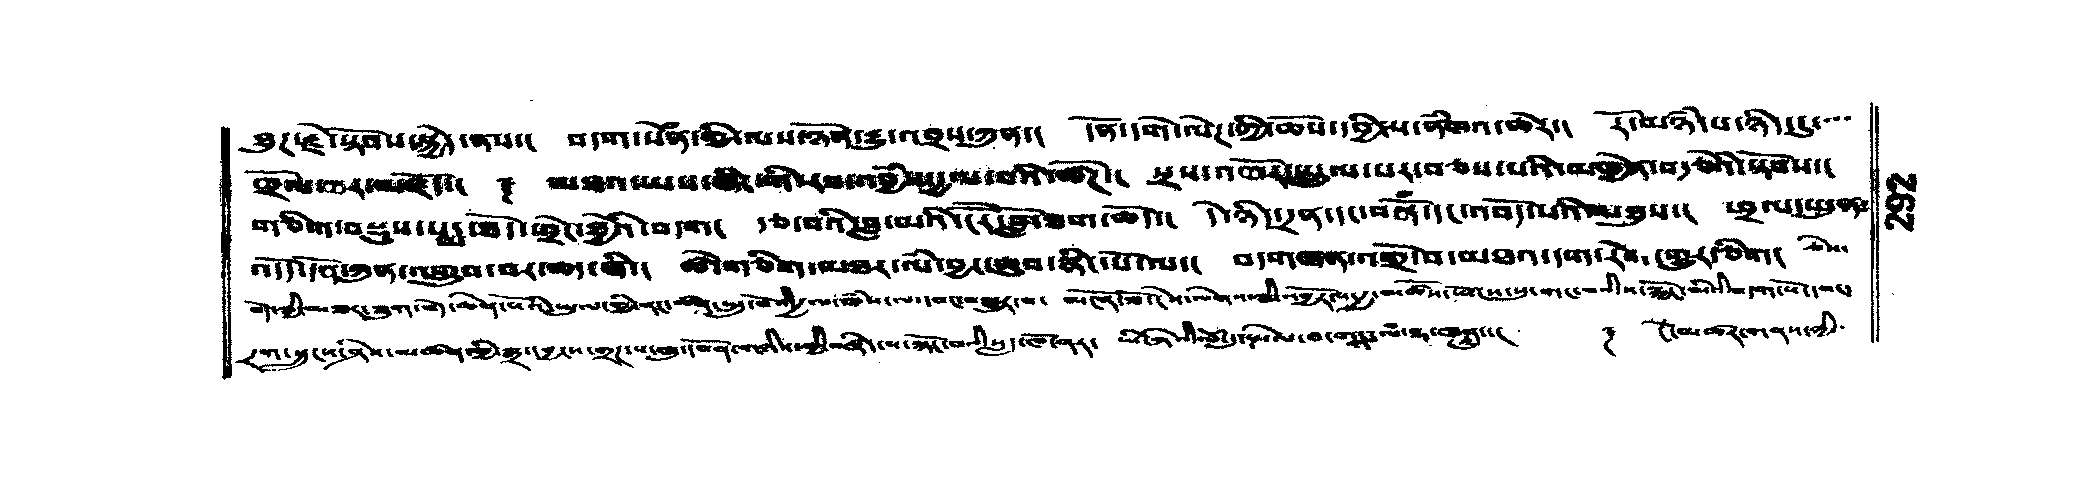ཐུགས་རྗེ་སྟོབས་སྐྱེད་ནས། །བདག་སེམས་ཅན་གྱི་ལས་ཉོན་རྒྱུ་འབྲས་ཀུན། །དོན་དགེ་ལེགས་ཀྱི་ཆོས་དབྱིངས་ནམ་མཁའ་ཆེར། །རོ་མཉམ་པ་ཉིད་དུ་
གྲོལ་བར་མཛོད།། ༈ མཐའ་ཡས་ཞིང་གི་རབ་འབྱམས་རྒྱལ་བའི་ཚོགས། །སྲས་འཁོར་སྤྲུལ་པར་བཅས་པའི་མཁྱེན་བརྩེའི་སྟོབས། །
གཅིག་བསྡུས་པདྨ་ཐོད་ཕྲེང་ཐུགས་རྗེའི་བདག །རྩ་བའི་བླ་མའི་ངོ་བོར་བློ་ཐག་ཆོད། །དེ་ཉིད་དྲན་དང་བསྒོམ་དང་འབོད་པའི་མཐུས། །ཕྲལ་ཡུན་
འདོད་དོན་ཀུན་འགྲུབ་བར་ཆད་ཞི། །ཚེ་གཅིག་ཐར་ལམ་བྱང་ཆུབ་སྙིང་པོ་ལ། །བདག་གཞན་འགྲོ་བ་མཐའ་དག་རེག་གྱུར་ཅིག ཅེས་
བོད་ཀྱི་མཐར་ཐུག་བོད་ཆེན་པོའི་ཡུལ་གྱི་ནང་ཚན་སྤུ་བོའི་རྒྱལ་ཁམས་ལ་དབང་བསྒྱུར་བ། མངོན་མཐོ་ངེས་ལེགས་ཀྱི་འབྱོར་པ་རྒྱ་མཚོས་ཡོངས་སུ་གང་བའི་ས་སྐྱོང་མིའི་བདག་པོ་དབང་
དྲག་སྲུང་ཞེས་མཚན་གྱི་སྒྲ་དབྱངས་གྲགས་པ་ཁུ་དབོན་གཉིས་ཀྱི་བཞེད་པ་སྐོང་བའི་སླད་ཁོ་ནར། ཡི་གེའི་ལམ་དུ་སྤེལ་བ་གངྒ་ལཾ་བྷ་ཝནྟུ།། ༈ ངོ་མཚར་གནས་ཀྱི་